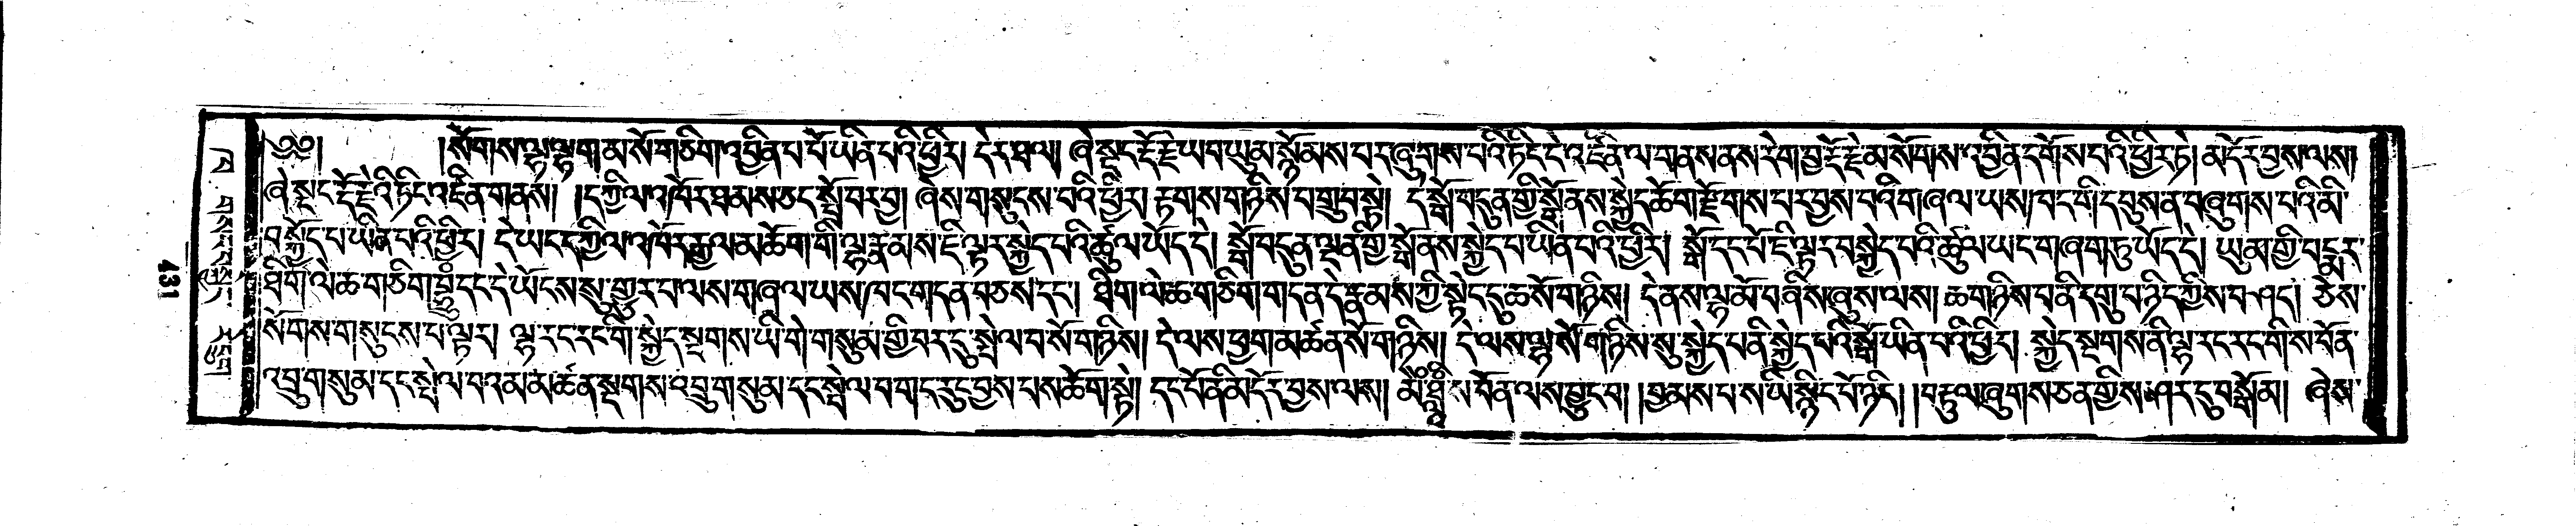༄༅། །སོགས་ལྷ་ལྷག་མ་སོ་གཅིག་འབྱིན་པ་པོ་ཡིན་པའི་ཕྱིར། དེར་ཐལ། ཞེ་སྡང་རྡོ་རྗེ་ཡབ་ཡུམ་སྙོམས་པར་ཞུགས་པའི་ཏིང་ངེ་འཛིན་ལ་གནས་ནས་རེག་བྱ་རྡོ་རྗེ་མ་སོགས་འབྱིན་དགོས་པའི་ཕྱིར་ཏེ། མདོར་བྱས་ལས།
ཞེ་སྡང་རྡོ་རྗེའི་ཏིང་འཛིན་གནས། །དཀྱིལ་འཁོར་ཐམས་ཅད་སྤྲོ་བར་བྱ། ཞེས་གསུངས་པའི་ཕྱིར། རྟགས་གཉིས་པ་གྲུབ་སྟེ། དེ་སྒོ་བདུན་གྱི་སྒོ་ནས་སྐྱེད་ཆོག་རྫོགས་པར་བྱས་པའི་གཞལ་ཡས་ཁང་གི་དབུས་ན་བཞུགས་པའི་མི་
བསྐྱོད་པ་ཡིན་པའི་ཕྱིར། དེ་ཡང་དཀྱིལ་འཁོར་རྒྱལ་མཆོག་གི་ལྷ་རྣམས་ཇི་ལྟར་སྐྱེད་པའི་ཚུལ་ཡོད་དེ། སྒོ་བདུན་ལྡན་གྱི་སྒོ་ནས་སྐྱེད་པ་ཡིན་པའི་ཕྱིར། སྒོ་དང་པོ་ཇི་ལྟར་བསྐྱེད་པའི་ཚུལ་ཡང་གཞག་ཏུ་ཡོད་དེ། ཡུམ་གྱི་པདམར་
ཐིག་ལེ་ཆ་གཅིག་བྷྲུཾ་དང་དེ་ཡོངས་སུ་གྱུར་པ་ལས་གཞལ་ཡས་ཁང་གདན་བཅས་དང་། ཐིག་ལེ་ཆ་གཅིག་གདན་དེ་རྣམས་ཀྱི་སྟེང་དུ་ཆ་སོ་གཉིས། དེ་ནས་ལྷ་མོ་བཞིས་ཞུས་ལས། ཆ་གཉིས་པ་ནི་དགུ་པ་ཉིད་ཀྱིས་བཤད། ཅེས་
སོགས་གསུངས་པ་ལྟར། ལྷ་རང་རང་གི་སྐྱེད་སྔགས་ཡི་གེ་གསུམ་གྱི་བར་དུ་སྤེལ་བ་སོ་གཉིས། དེ་ལས་ཕྱག་མཚན་སོ་གཉིས། དེ་ལས་ལྷ་སོ་གཉིས་སུ་སྐྱེད་པ་ནི་སྐྱེད་པའི་སྒོ་ཡིན་པའི་ཕྱིར། སྐྱེད་སྔགས་ནི་ལྷ་རང་རང་གི་ས་བོན་
འབྲུ་གསུམ་དང་སྤེལ་པའམ་མཚན་སྔགས་འབྲུ་གསུམ་དང་སྤེལ་བ་གང་རུང་བྱས་པས་ཆོག་སྟེ། དང་པོ་ནི་མདོར་བྱས་ལས། མཻཾ་ཐླཱིཾ་ས་བོན་ལས་བྱུང་བ། །བྱམས་པས་ཡི་སྙིང་པོ་ཉིད། །བརྟུལ་ཞུགས་ཅན་གྱིས་ཤར་དུ་བསྒོམ། ཞེས་